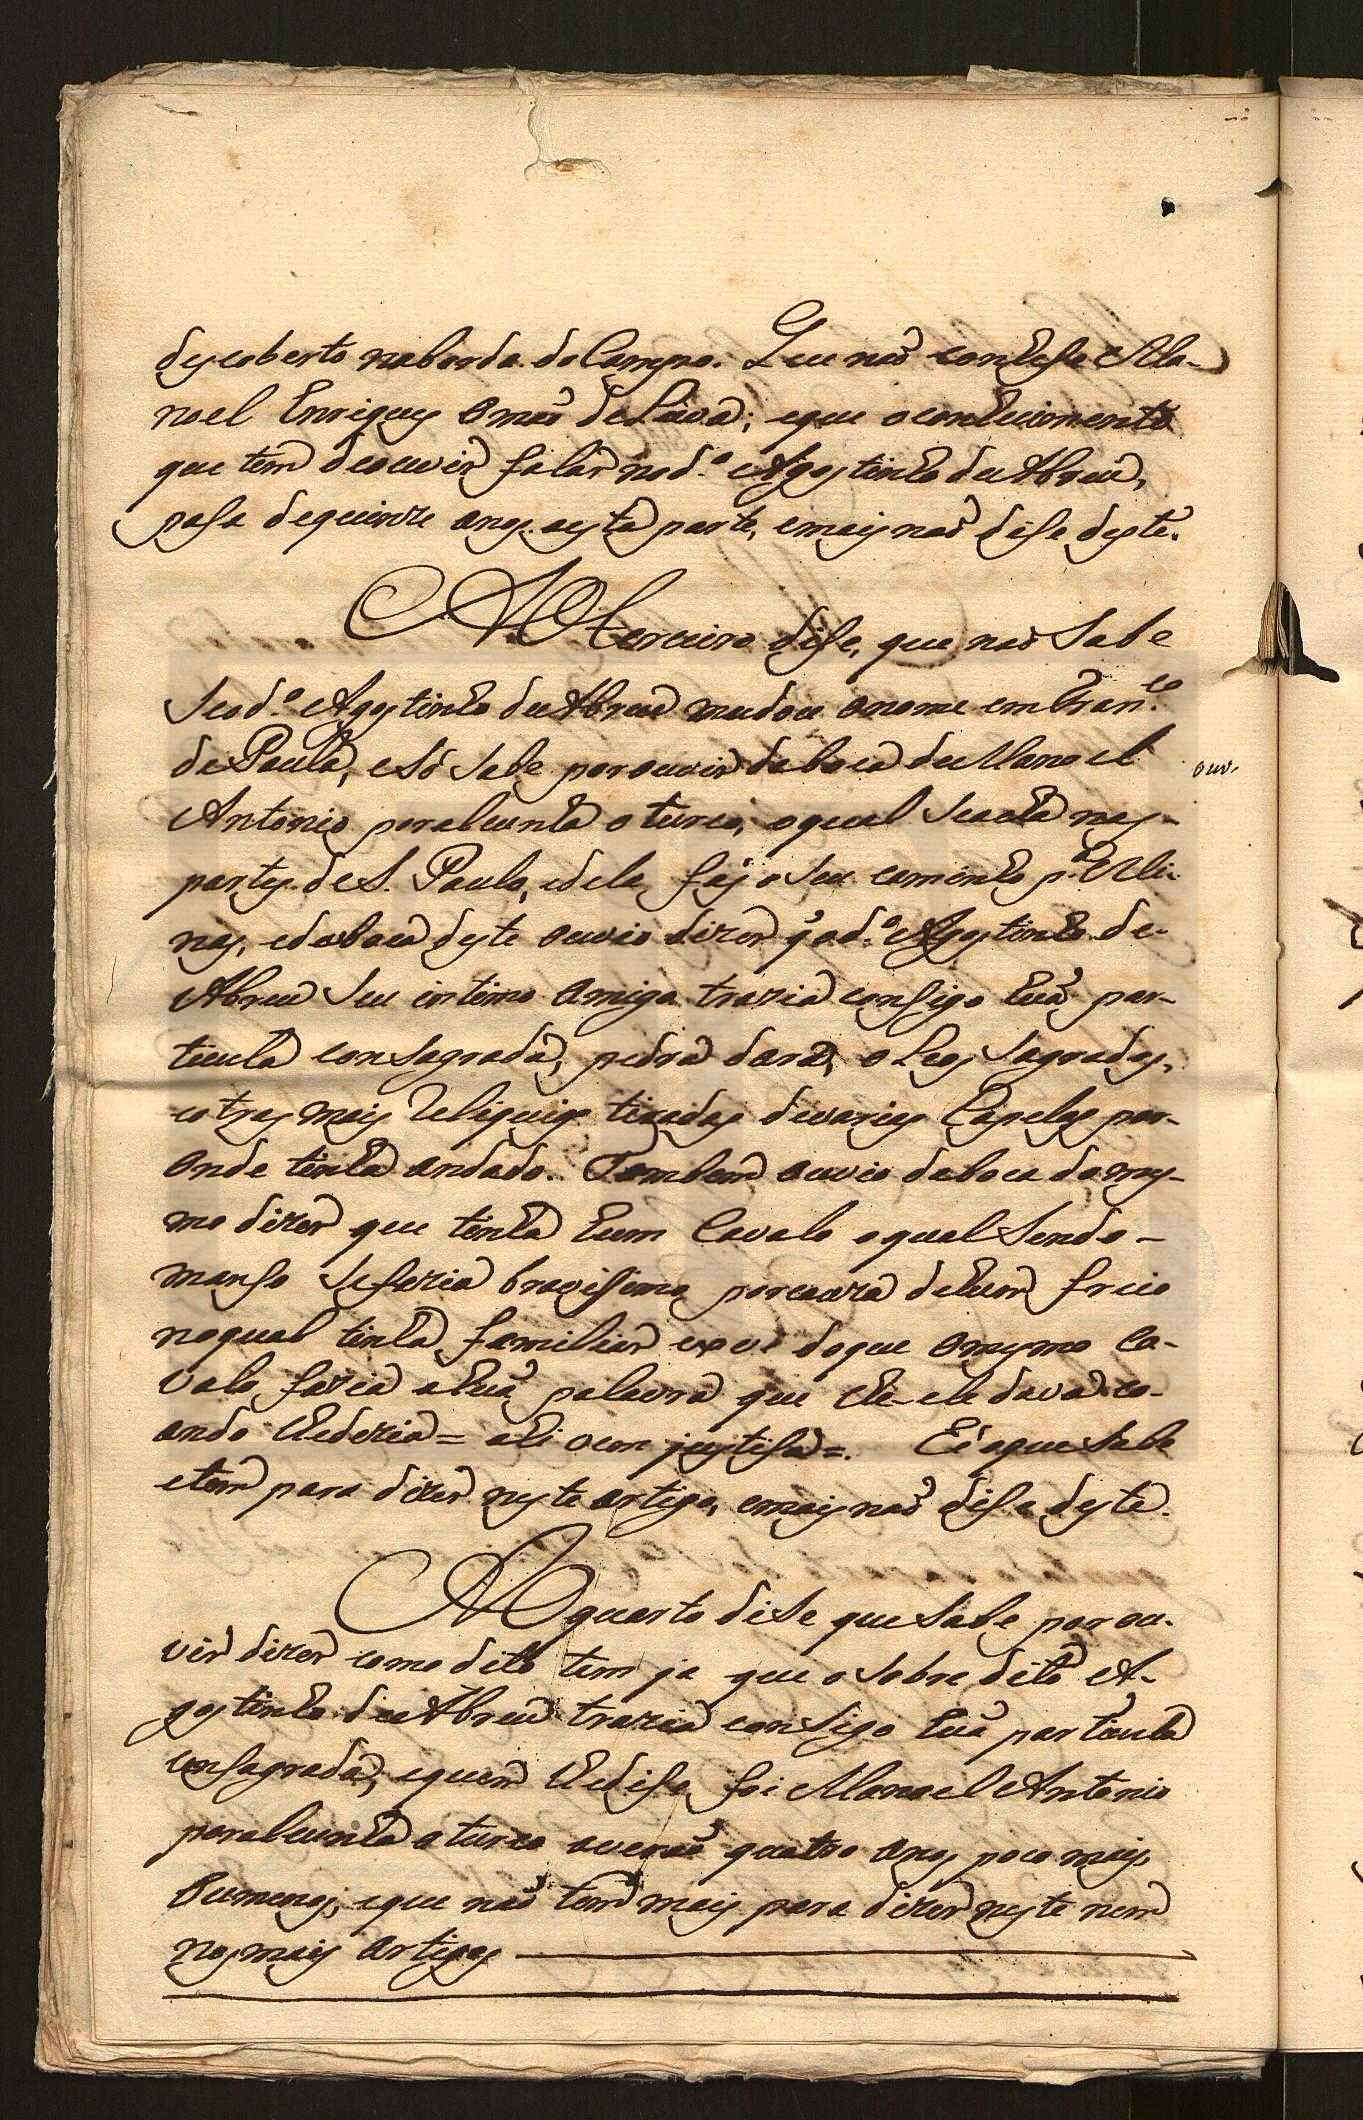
descoberto na borda do Campo. Que naõ conhese Ma
noel Enriques o maõ de Lava; e que o conhecimento
que tem de ouvir falar no d.o Agostinho de Abreu,
pasa de quinze anos, a esta parte, e mais naõ dise deste.
AO terceiro dise, que naõ Sabe
se o d.o Agostinho de Abreu mudou o nome em Fran.co
de Paula, e Só sabe por ouvir de boca de Manoel
Antonio por alcunha o turco; o qual se acha nas
partes de S. Paulo, e dela foi o seu caminho p.a Mi
nas, e da boca deste ouvio dizer q̄ o d.o Agostinho de
Abreu seu intimo amigo trazia consigo huā par
ticula consagrada, pedra dara, oLeos sagrados,
e o tres mais Reliquias tiradas de varias Capelas por
onde tinha andado. Tambem ouvio da boca do mes
mo dizer que tinha hum Cavalo o qual Sendo
manso se fazia bravisimo por cauza de hum freio
no qual tinha familiar exvi do que o mesmo ca
valo fazia a huā palavra que lhe-ele dava co
ando lhe dezia= ahi vem justisa=. hé o que Sabe
e tem para dizer neste artigo, e mais naõ dise deste.
Ao quarto diSe que Sabe por ou
vir dizer como dito tem ja que o sobre dito A
gostinho de Abreu trazia conSigo huā particula
consagrada, e quem lhe dise foi Manoel Antonio
por alcunha o turco averaõ quatro anos poco mais,
ou menos, e que naõ tem mais para dizer neste nem
nos mais artigos
ouv
